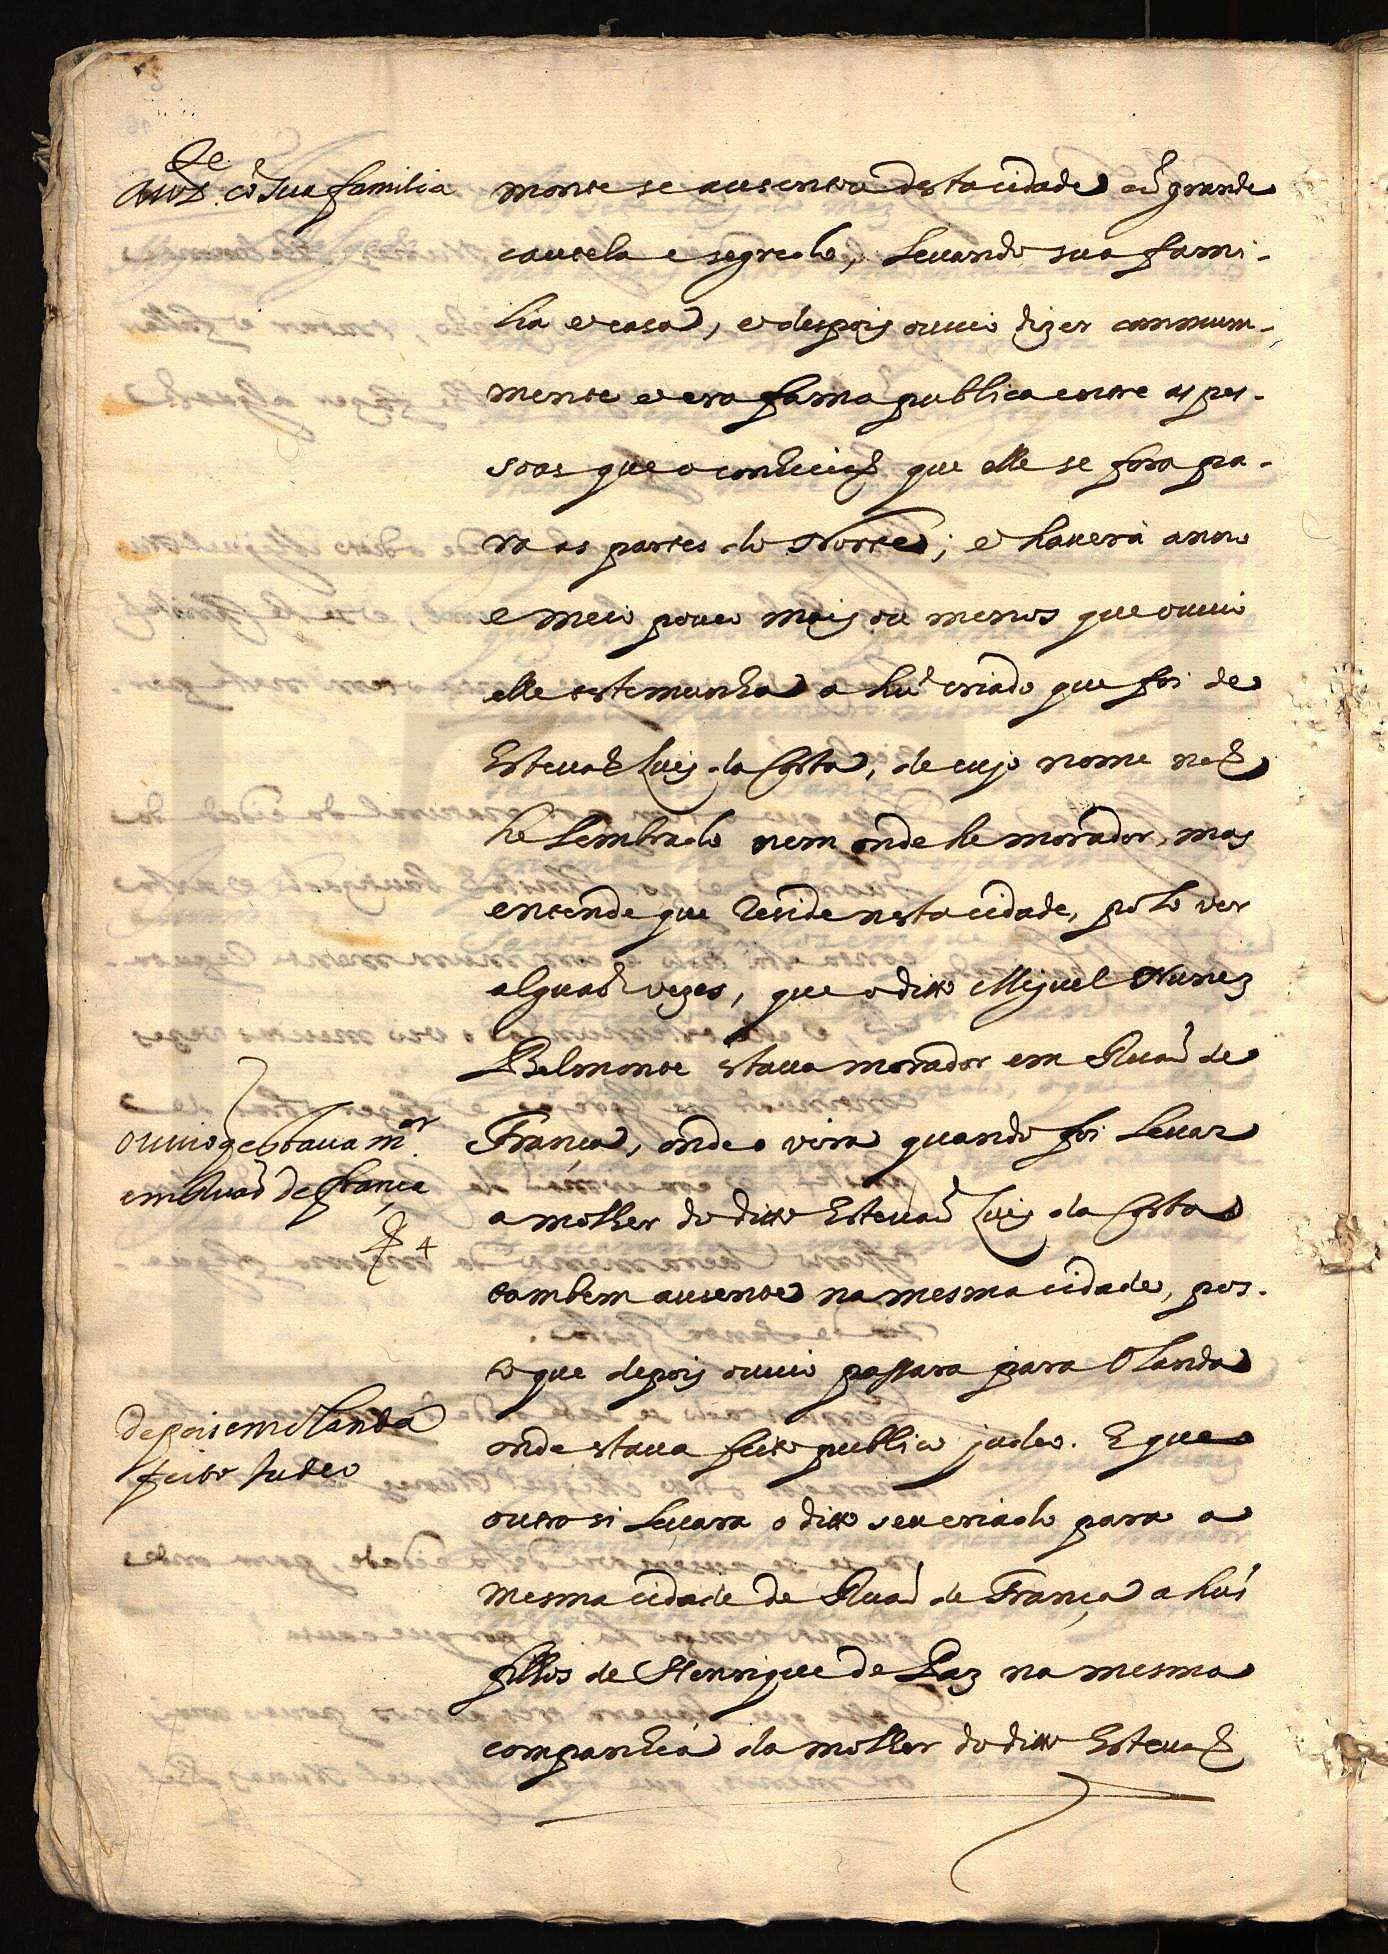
auz.te cō sua familia
ouuio q̄ estaua mor
em Ruaõ de frança
depois em olanda
feito Judeo
monte se ausentou desta cidade cō grande
cautela e segredo, Leuando sua fami
lia e caza, e despois ouuio dizer commum
mente e era fama publica entre as pes
soas que o conheciaõ que elle se fora pa
ra as partes do Norte; e hauera anno
e meio pouco mais ou menos que ouuio
elle testemunha a hū criado que foi de
Esteuaõ Luis da Costa, de cujo nome naõ
he lembrado nem onde he morador, mas
entende que Reside nesta cidade, polo ver
alguas̄ vezes, que o ditto Miguel Nunez
Belmonte estaua morador em Ruaõ de
França, onde o vira quando foi leuar
a molher do ditto Esteuaõ Luis da Costa
tambem ausente na mesma cidade, pos
to que depois ouuio passara para Olanda
onde estaua feito publico judeo. E que
outrosi leuara o ditto seu criado para a
mesma cidade de Ruaõ de França a hus̄
filhos de Henrique de Paz na mesma
companhia da molher do ditto Estauaõ
